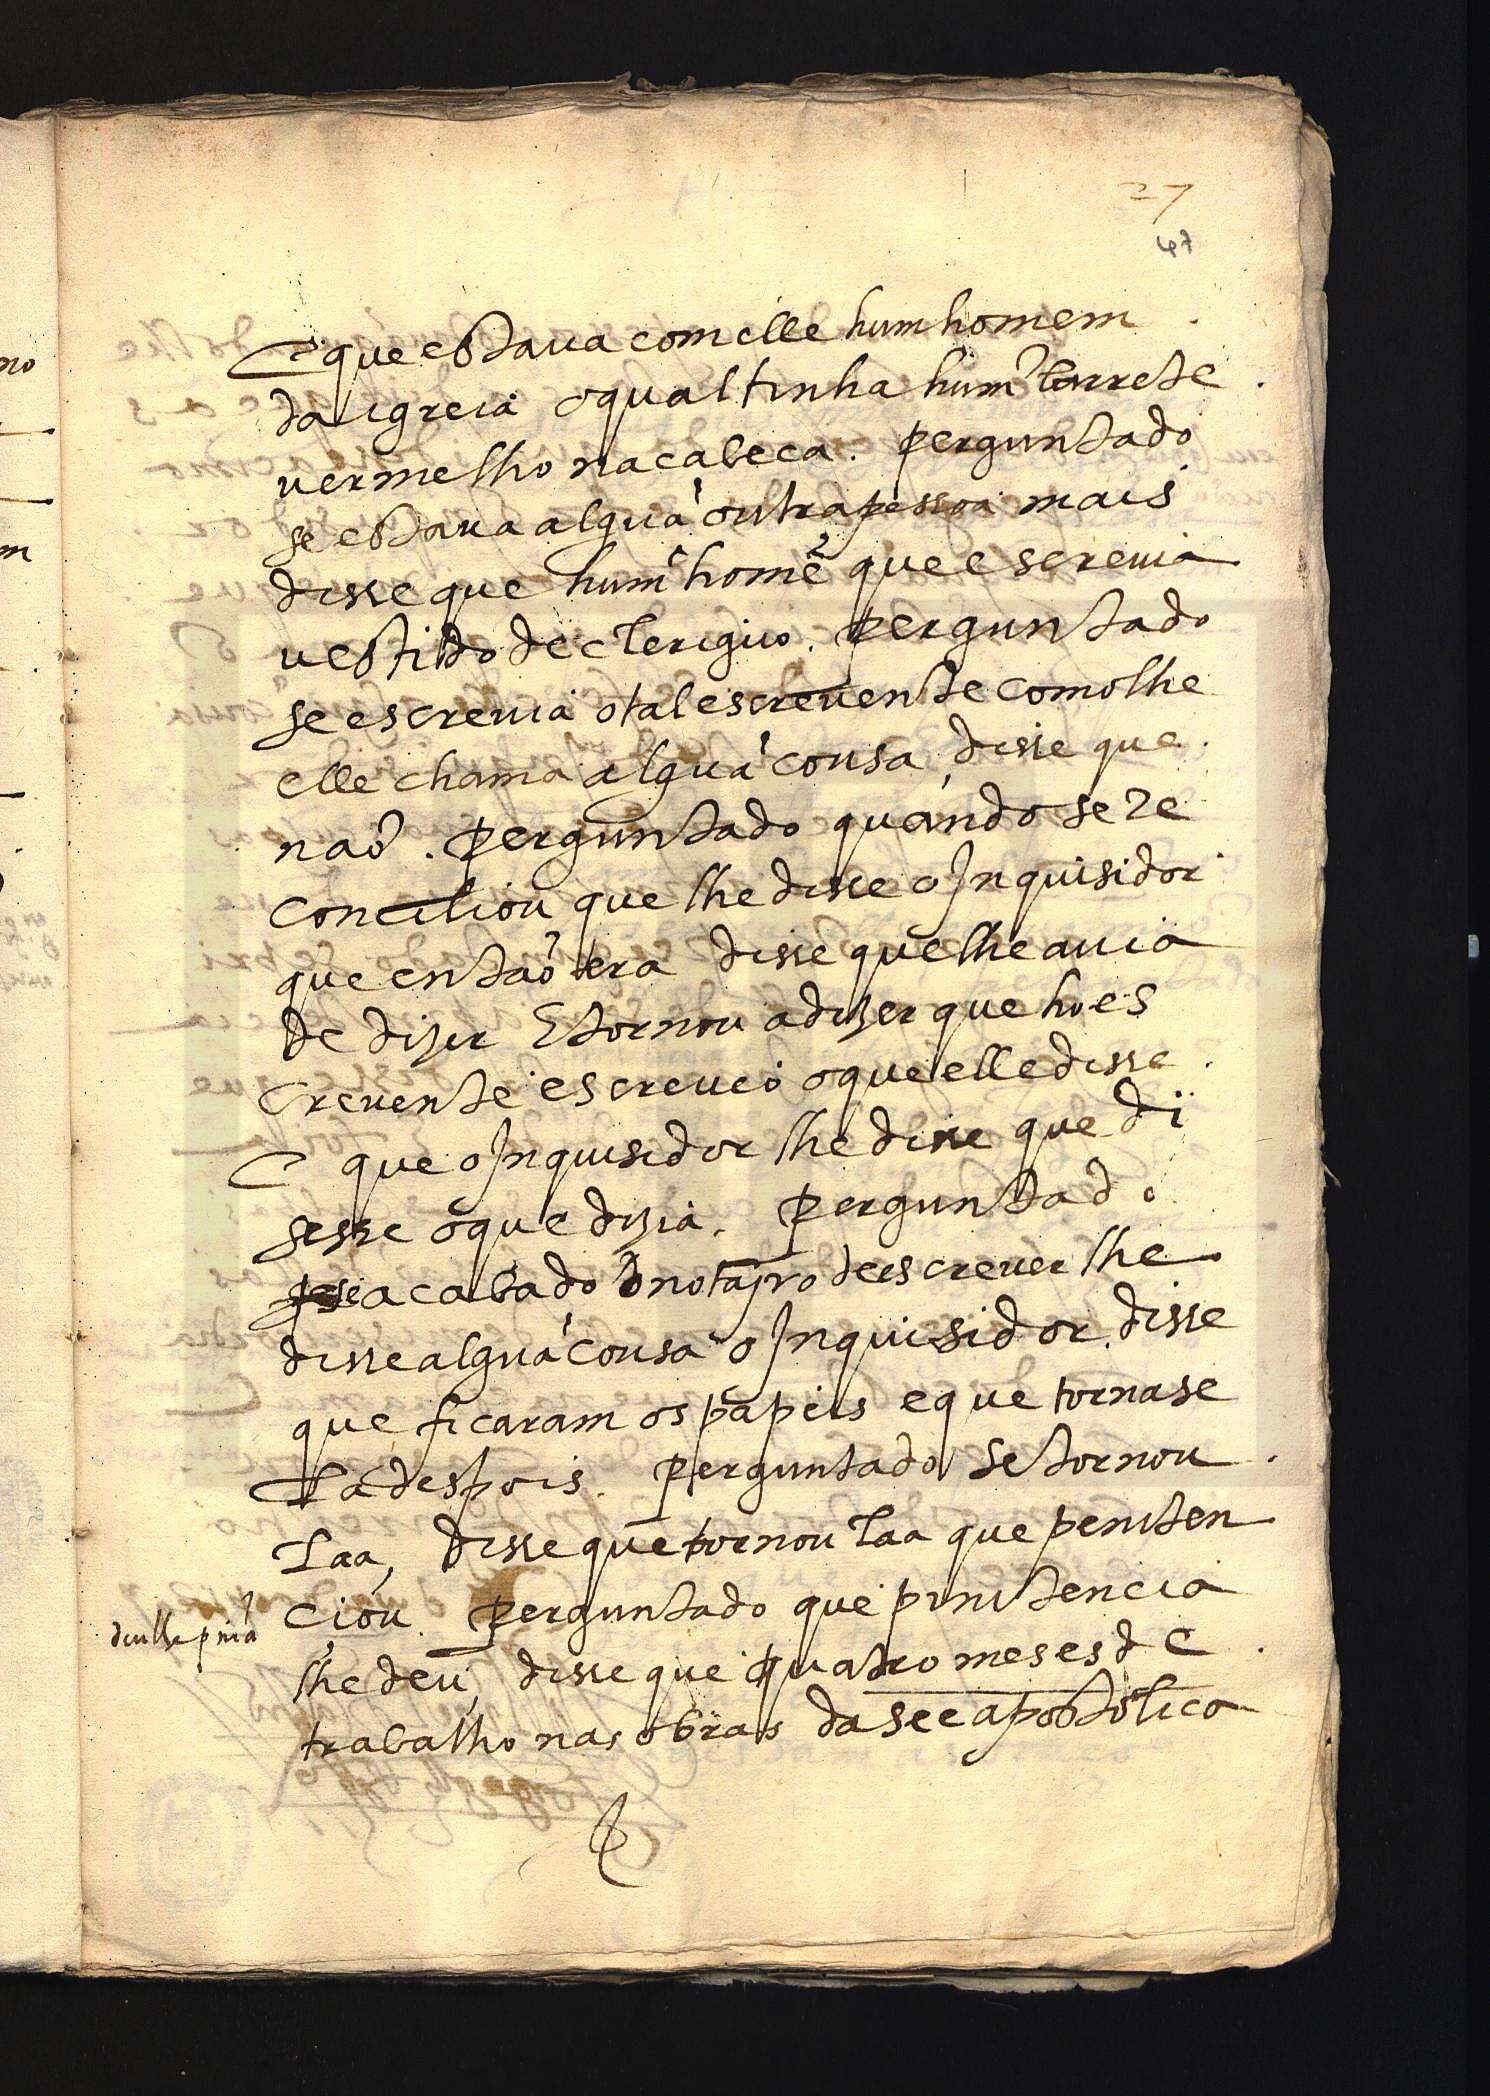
deulhe pniā
E que estaua com elle hum homem
da igreia o qual tinha hum̄ barrete
uermelho na cabeca. perguntado
se estaua alguā outra pessoa mais
disse que hum̄ homē que escreuia
uestido de cleriguo. perguntado
se escreuia o tal escreuente como lhe
elle chama alguā cousa, disse que
naõ. perguntado quando se re
conciliou que lhe disse o Jnquisidor
que entaõ era disse que lhe auia
de dizer E tornou a dizer que ho es
creuente escreueo o que elle disse
E que o Jnquisidor lhe disse que di
sesse o que dizia. perguntado
_ se acabado o notajro de escreuer lhe
disse alguā cousa o Jnquisidor disse
que ficaram os papeis e que tornase
La despois. perguntado se tornou
Laa, disse que tornou Laa que peniten
çiou. perguntado que pinitencia
lhe deu, disse que quatro meses de
trabalho nas obras da see apostolica
